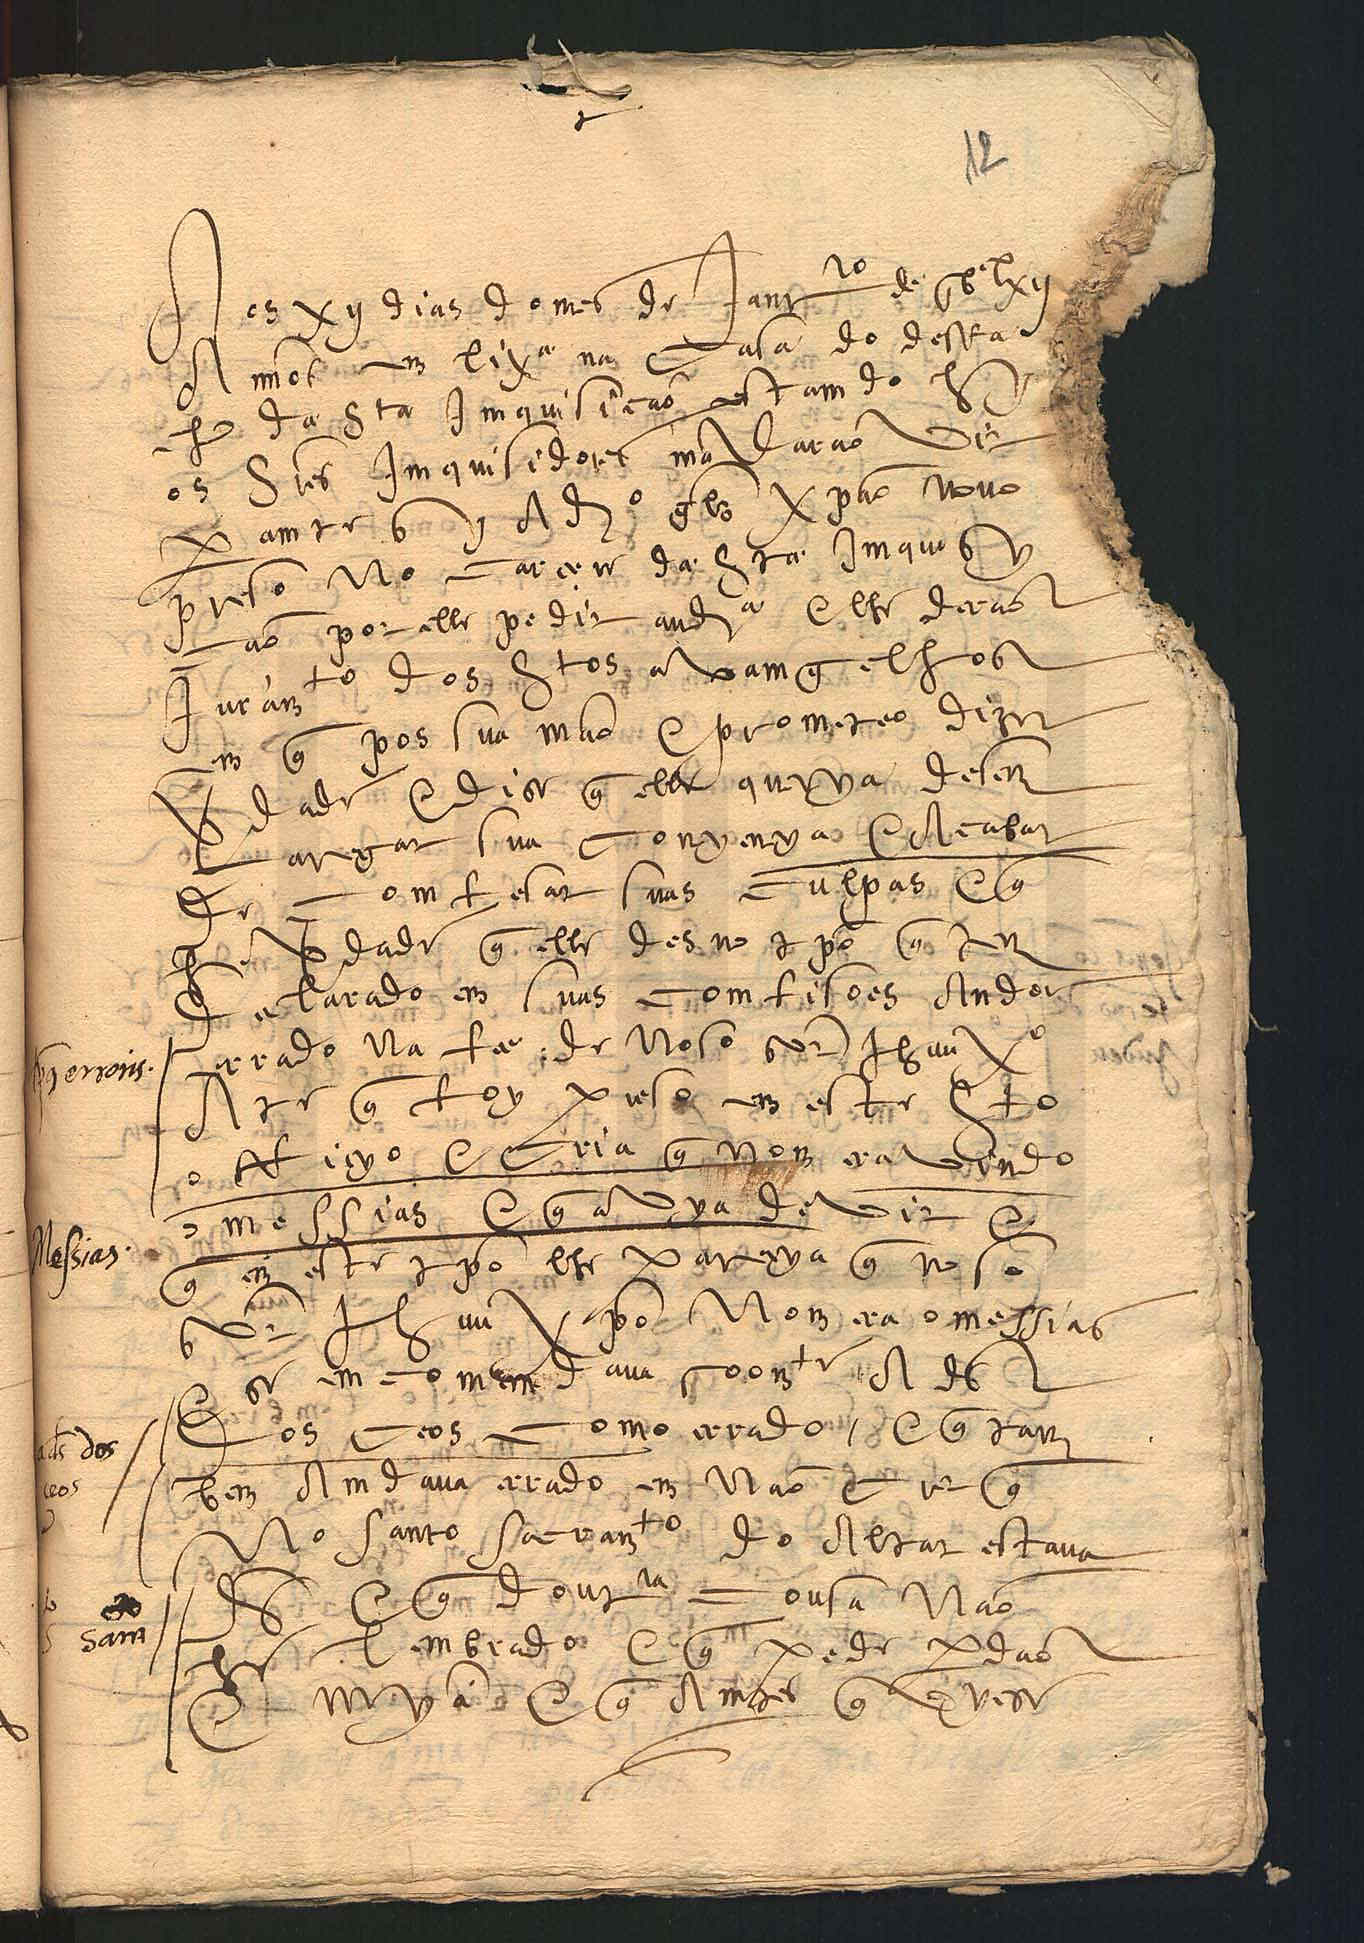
Aos xij dias do mes de Janero de jbc lxij
Annōs em lixa na casa do despa
cho da Sta Jmquisiçaõ estamdo hy
os Sr̄es Jmquisidores mādaraõ vir
ꝑamte sy A djo ḡlz Xpão nouo
preso no carcere da Sta Imquisy
çaõ por elle pedir audja e lhe deraõ
Juramto dos Stos avamgelhos
em q̄ pos sua mão e prometeo dizer
ꝟdade e dise q̄ elle querya desen
Caregar sua concyencya e Acabar
de comfesar suas culpas e q̄
he ꝟdade q̄ elle des no tpō q̄ tem
declarado em suas comfisoes Andou
pḡ erroris. /
errado na fee de noso sōr Jhuu Xo
Ate q̄ foy preso em este Sto
officyo e cria q̄ nom era vindo
Messias.
o messias e q̄ avya de vir e
q̄ em este tp̄o lhe parecya q̄ noso
sōr Jhuu Xp̄o nom era o messias
e se emcomemdaua soomte A ds̄
a ds̄ dos
dos ceos como errado / e q̄ tam
ceos
bem Andaua errado em Naõ crer q̄
No Santo Sacramto do Altar estaua
Sto sacrto
ds̄ e q̄ doutra cousa Naõ
he lembrado e q̄ pede ꝑdaõ
e myā e q̄ Amtes q̄ vyese
